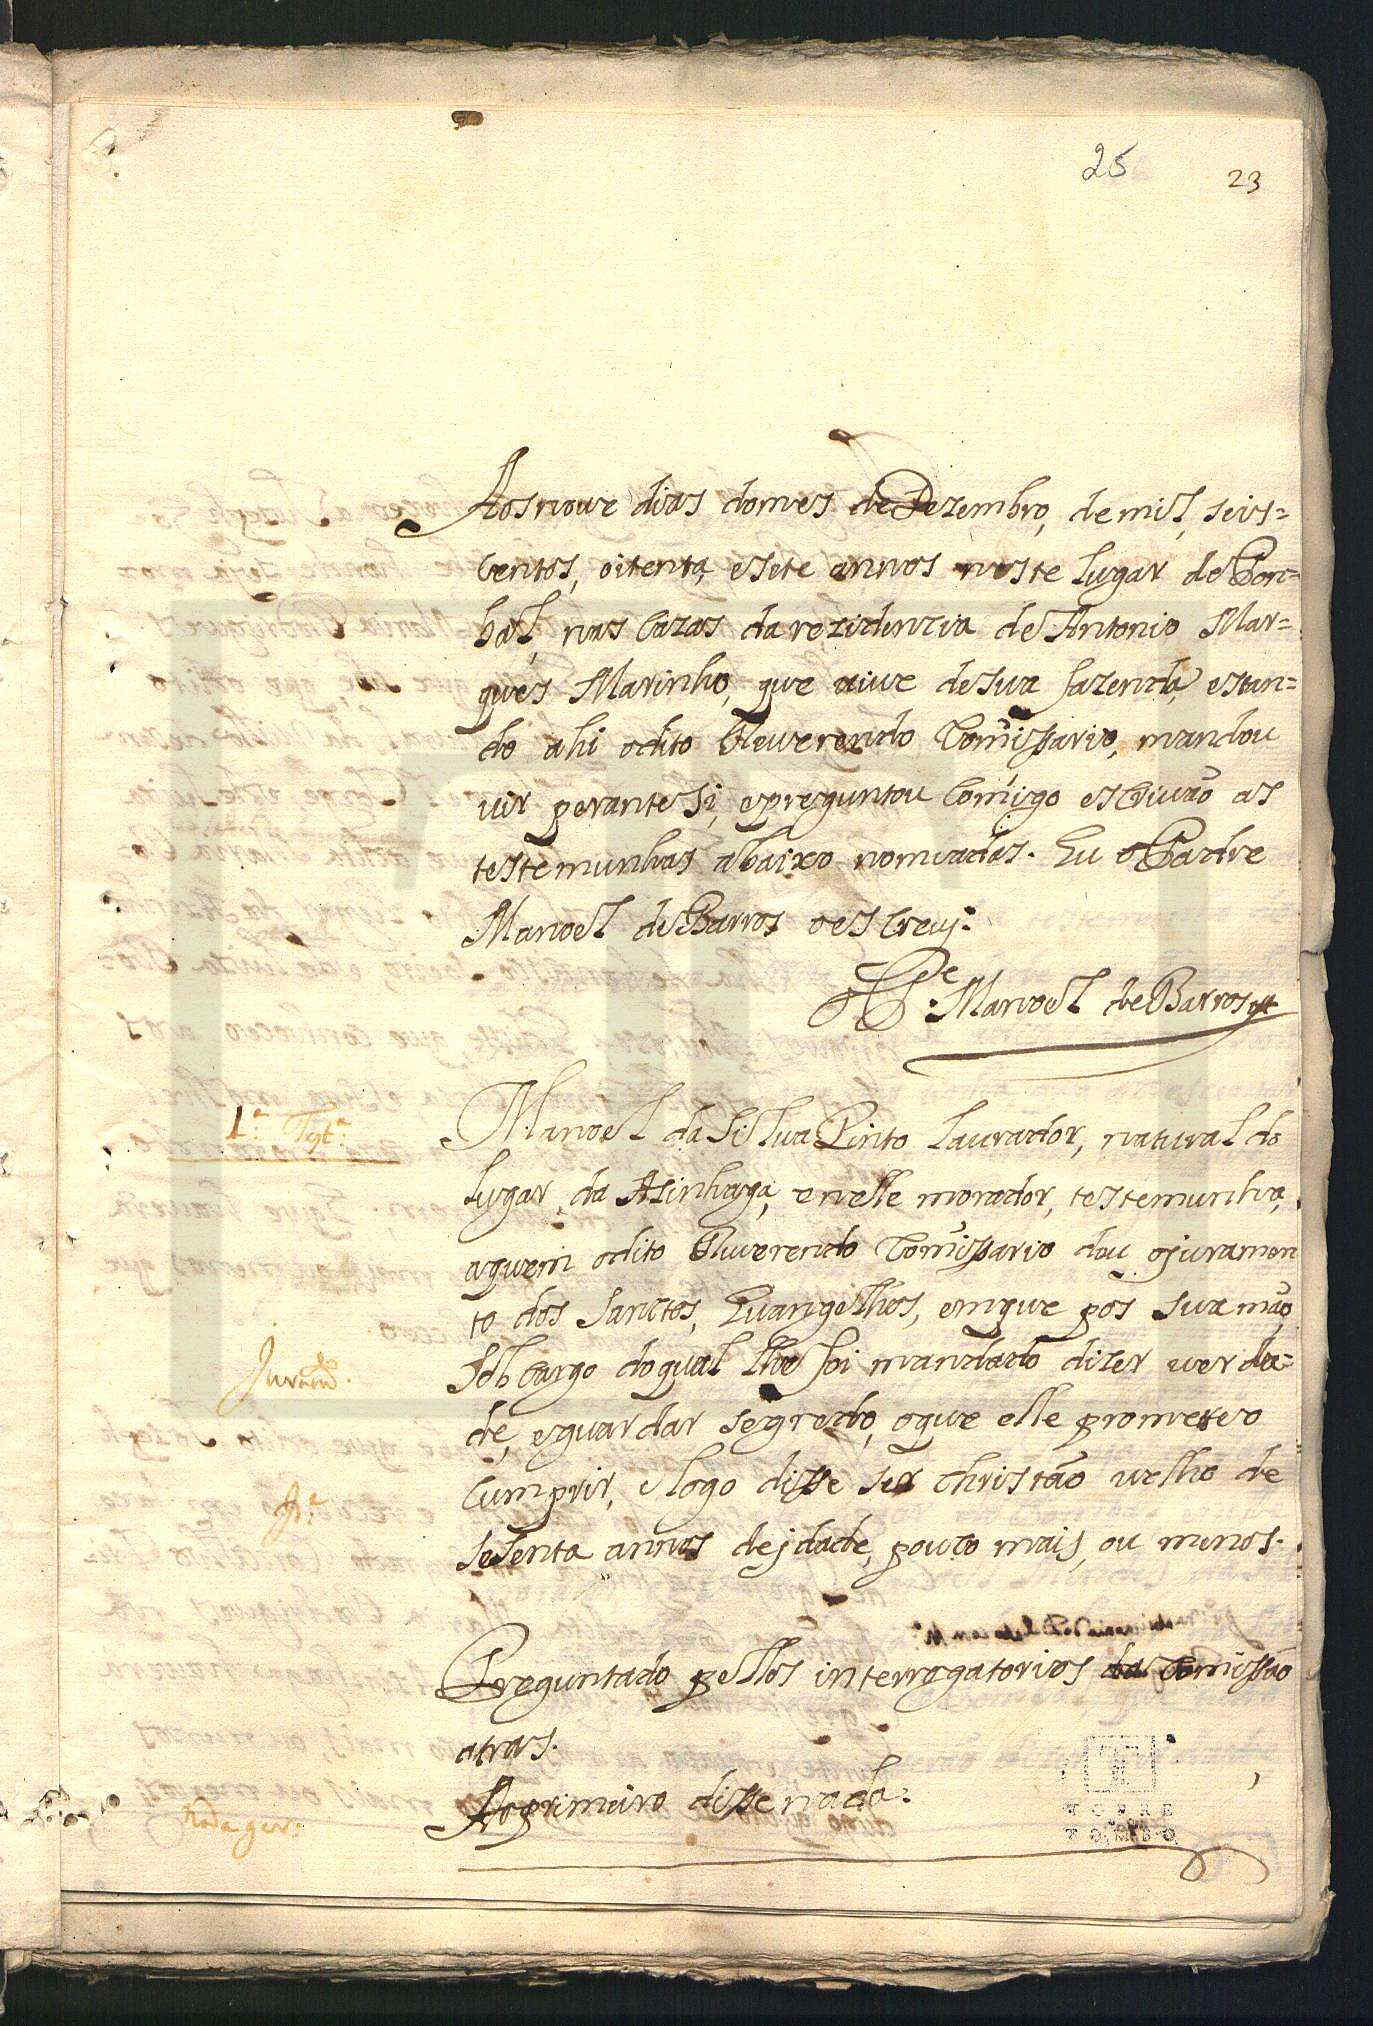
Aos noue dias do mes de Dezembro, de mil, seis
centos, oitenta, e sete annos neste lugar de Pon
bal, nas cazas da rezidencia de Antonio Mar
ques Marinho, que uiue de sua fazenda, estan
do ahi o dito Reuerendo Com̄issario, mandou
uir perante si, e preguntou comigo escriuaõ as
testemunhas abaixo nomeadas. Eu o Padre
Manoel de Barros o escreuj.
Manoel da Silua Pinto Laurador, natural do
Lugar da Azinhaga, e nelle morador, testemunha,
a quem o dito Reuerendo Com̄issario dou o juramen
to dos Sanctos, Euangelhos, em que pos sua maõ,
Sob cargo do qual lhe foi mandado dizer uerda
de, e guardar segredo, o que elle prometteo
cumprir, e logo disse ser christaõ uelho de
sesenta annos de jdade, pouco mais, ou menos.
Preguntado pellos interrogatorios da comissaõ
atras.
Ao primeiro disse nada.
1a: Testa:
Juramto.
Jd.e
nada ger:
